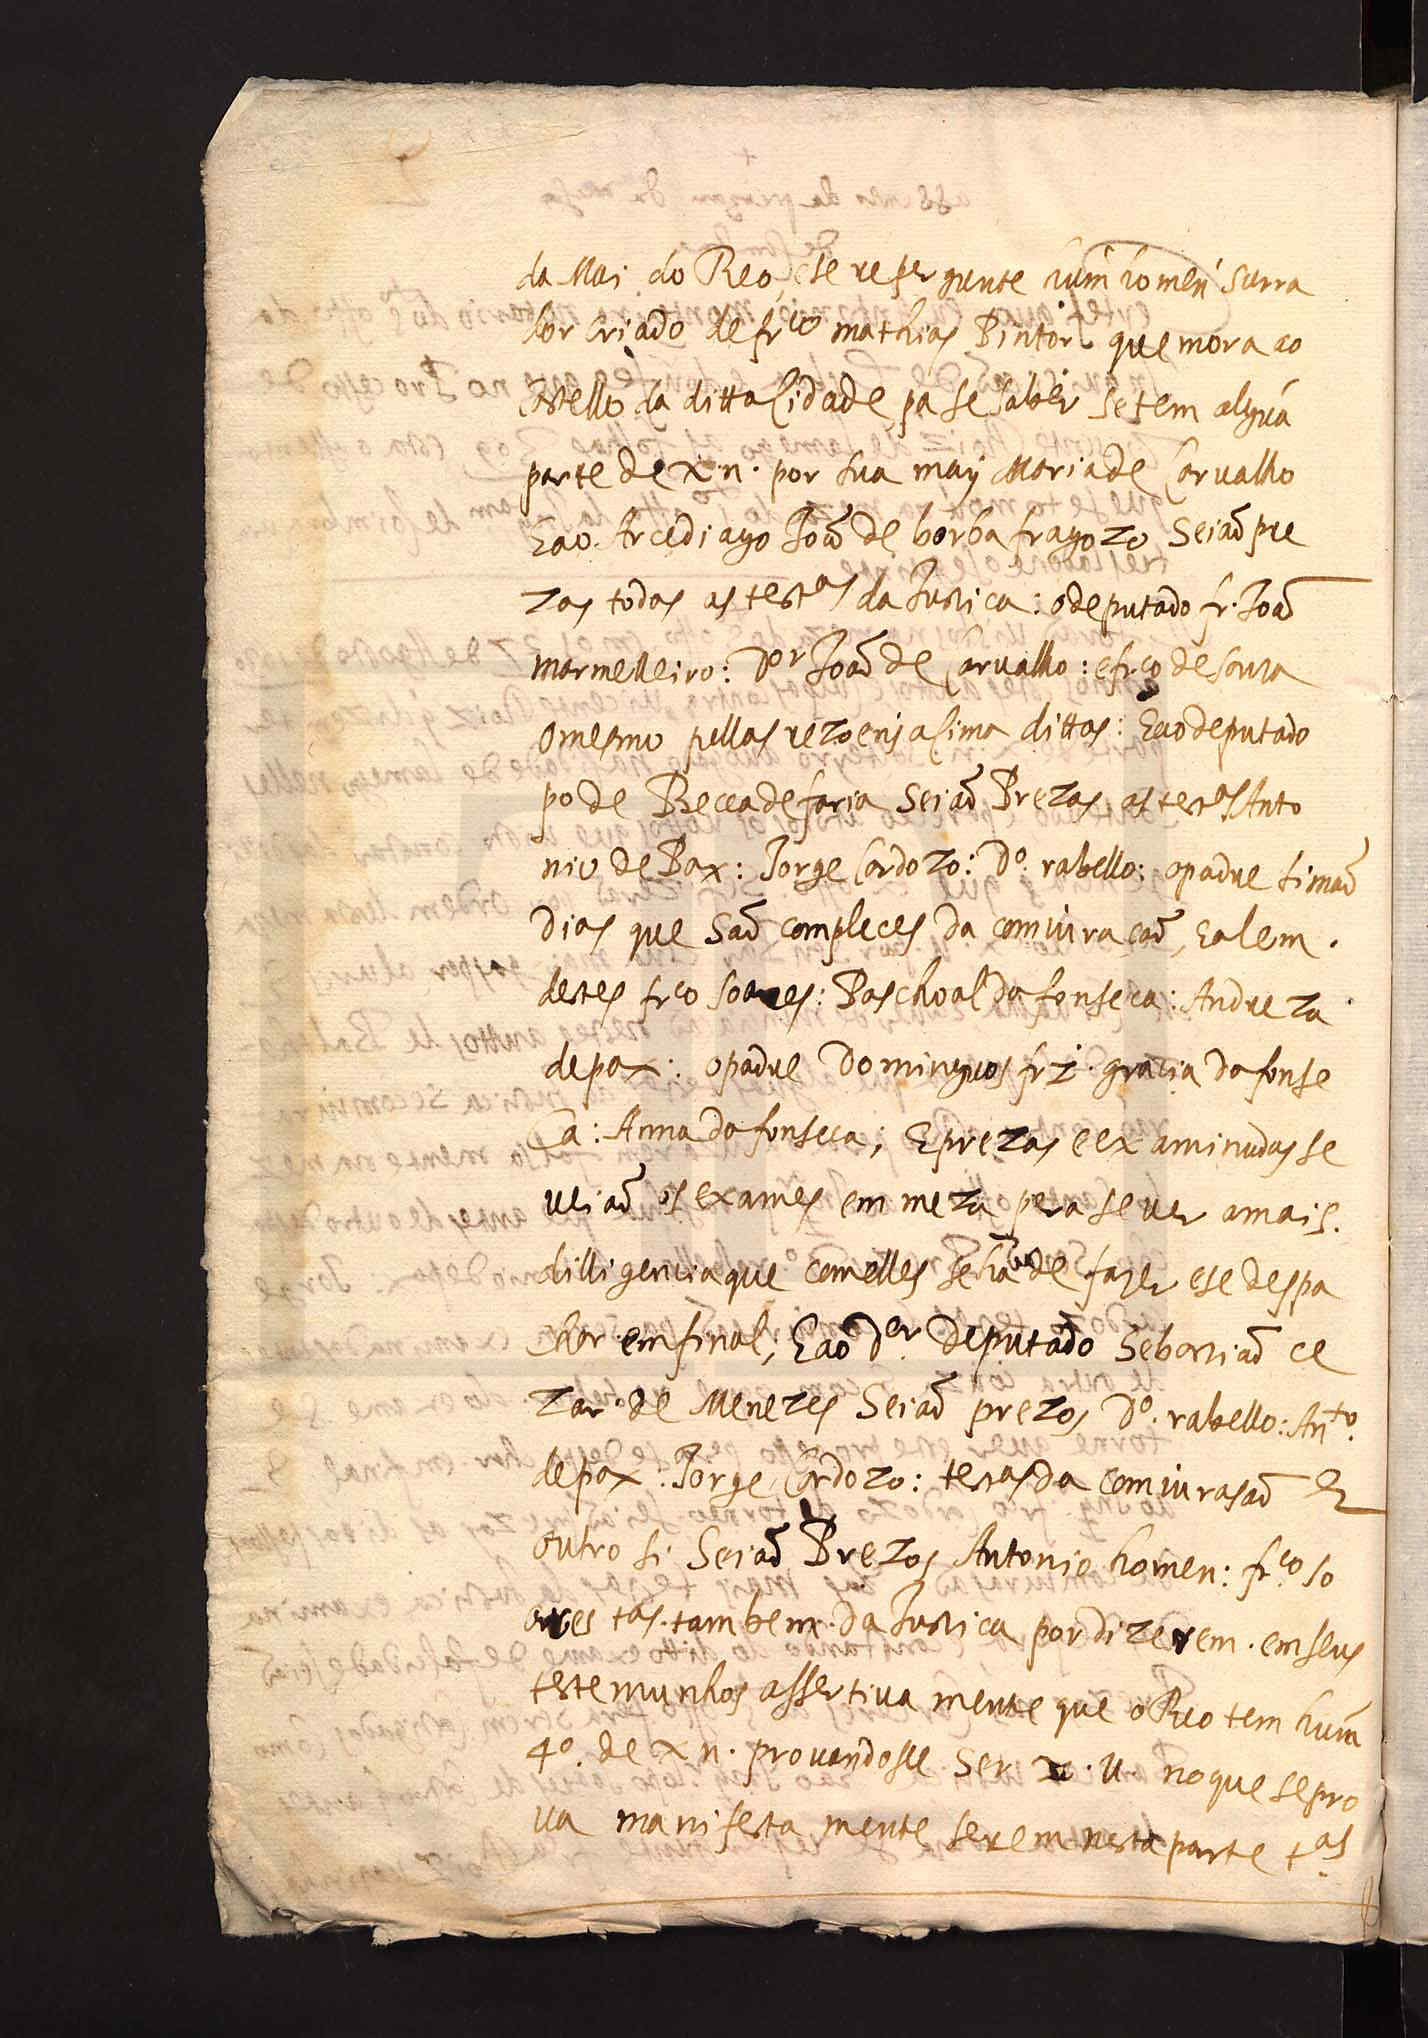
da Mai do Reo, se repergunte hum homen surra
dor criado de frco mathias Pintor que mora ao
Castello da ditta Cidade, pa se saber se tem alguā
parte de x. n. por sua may Maria de Carualho
E ao Arcediago Ioão de borba fragozo seiaõ pre
zas todas as testas da Iustica: o deputado fr. Ioāo
marmeleiro: Dor Ioão de Carualho: e frco de souza
o mesmo pellas rezoens aCima dittas: E ao deputado
po de Becca de faria seião Prezas as testas Anto
nio de Pax: Iorge Cardozo: dDo. rabello: o padre simaõ
dias que são compleces da comiuraçaõ, E alem
destes frco soares: Paschoal da fonseca: Andreza
de pax: o padre Dominguos frz̄ gracia da fonse
Ca: Anna da fonseca; E prezas e examinadas se
ueiaõ os exames em meza pera se uer a mais
dilligencia que com elles se ha de fazer e se despa
char em final; E ao Dor. deputado Sebastião ce
Zar de Menezes seião prezos, Do. rabello: Anto.
de pax: Iorge Cardozo: testas da comiurasão E
outrosi Seião Prezos Antonio homen: frco so
ares tas. tambem da Iustiça por dizerem em seus
testemunhos assertiuamente que o Reo tem hum
4º de x n. prouandosse ser x. u. no que se pro
ua manifestamente serem nesta parte t.as
